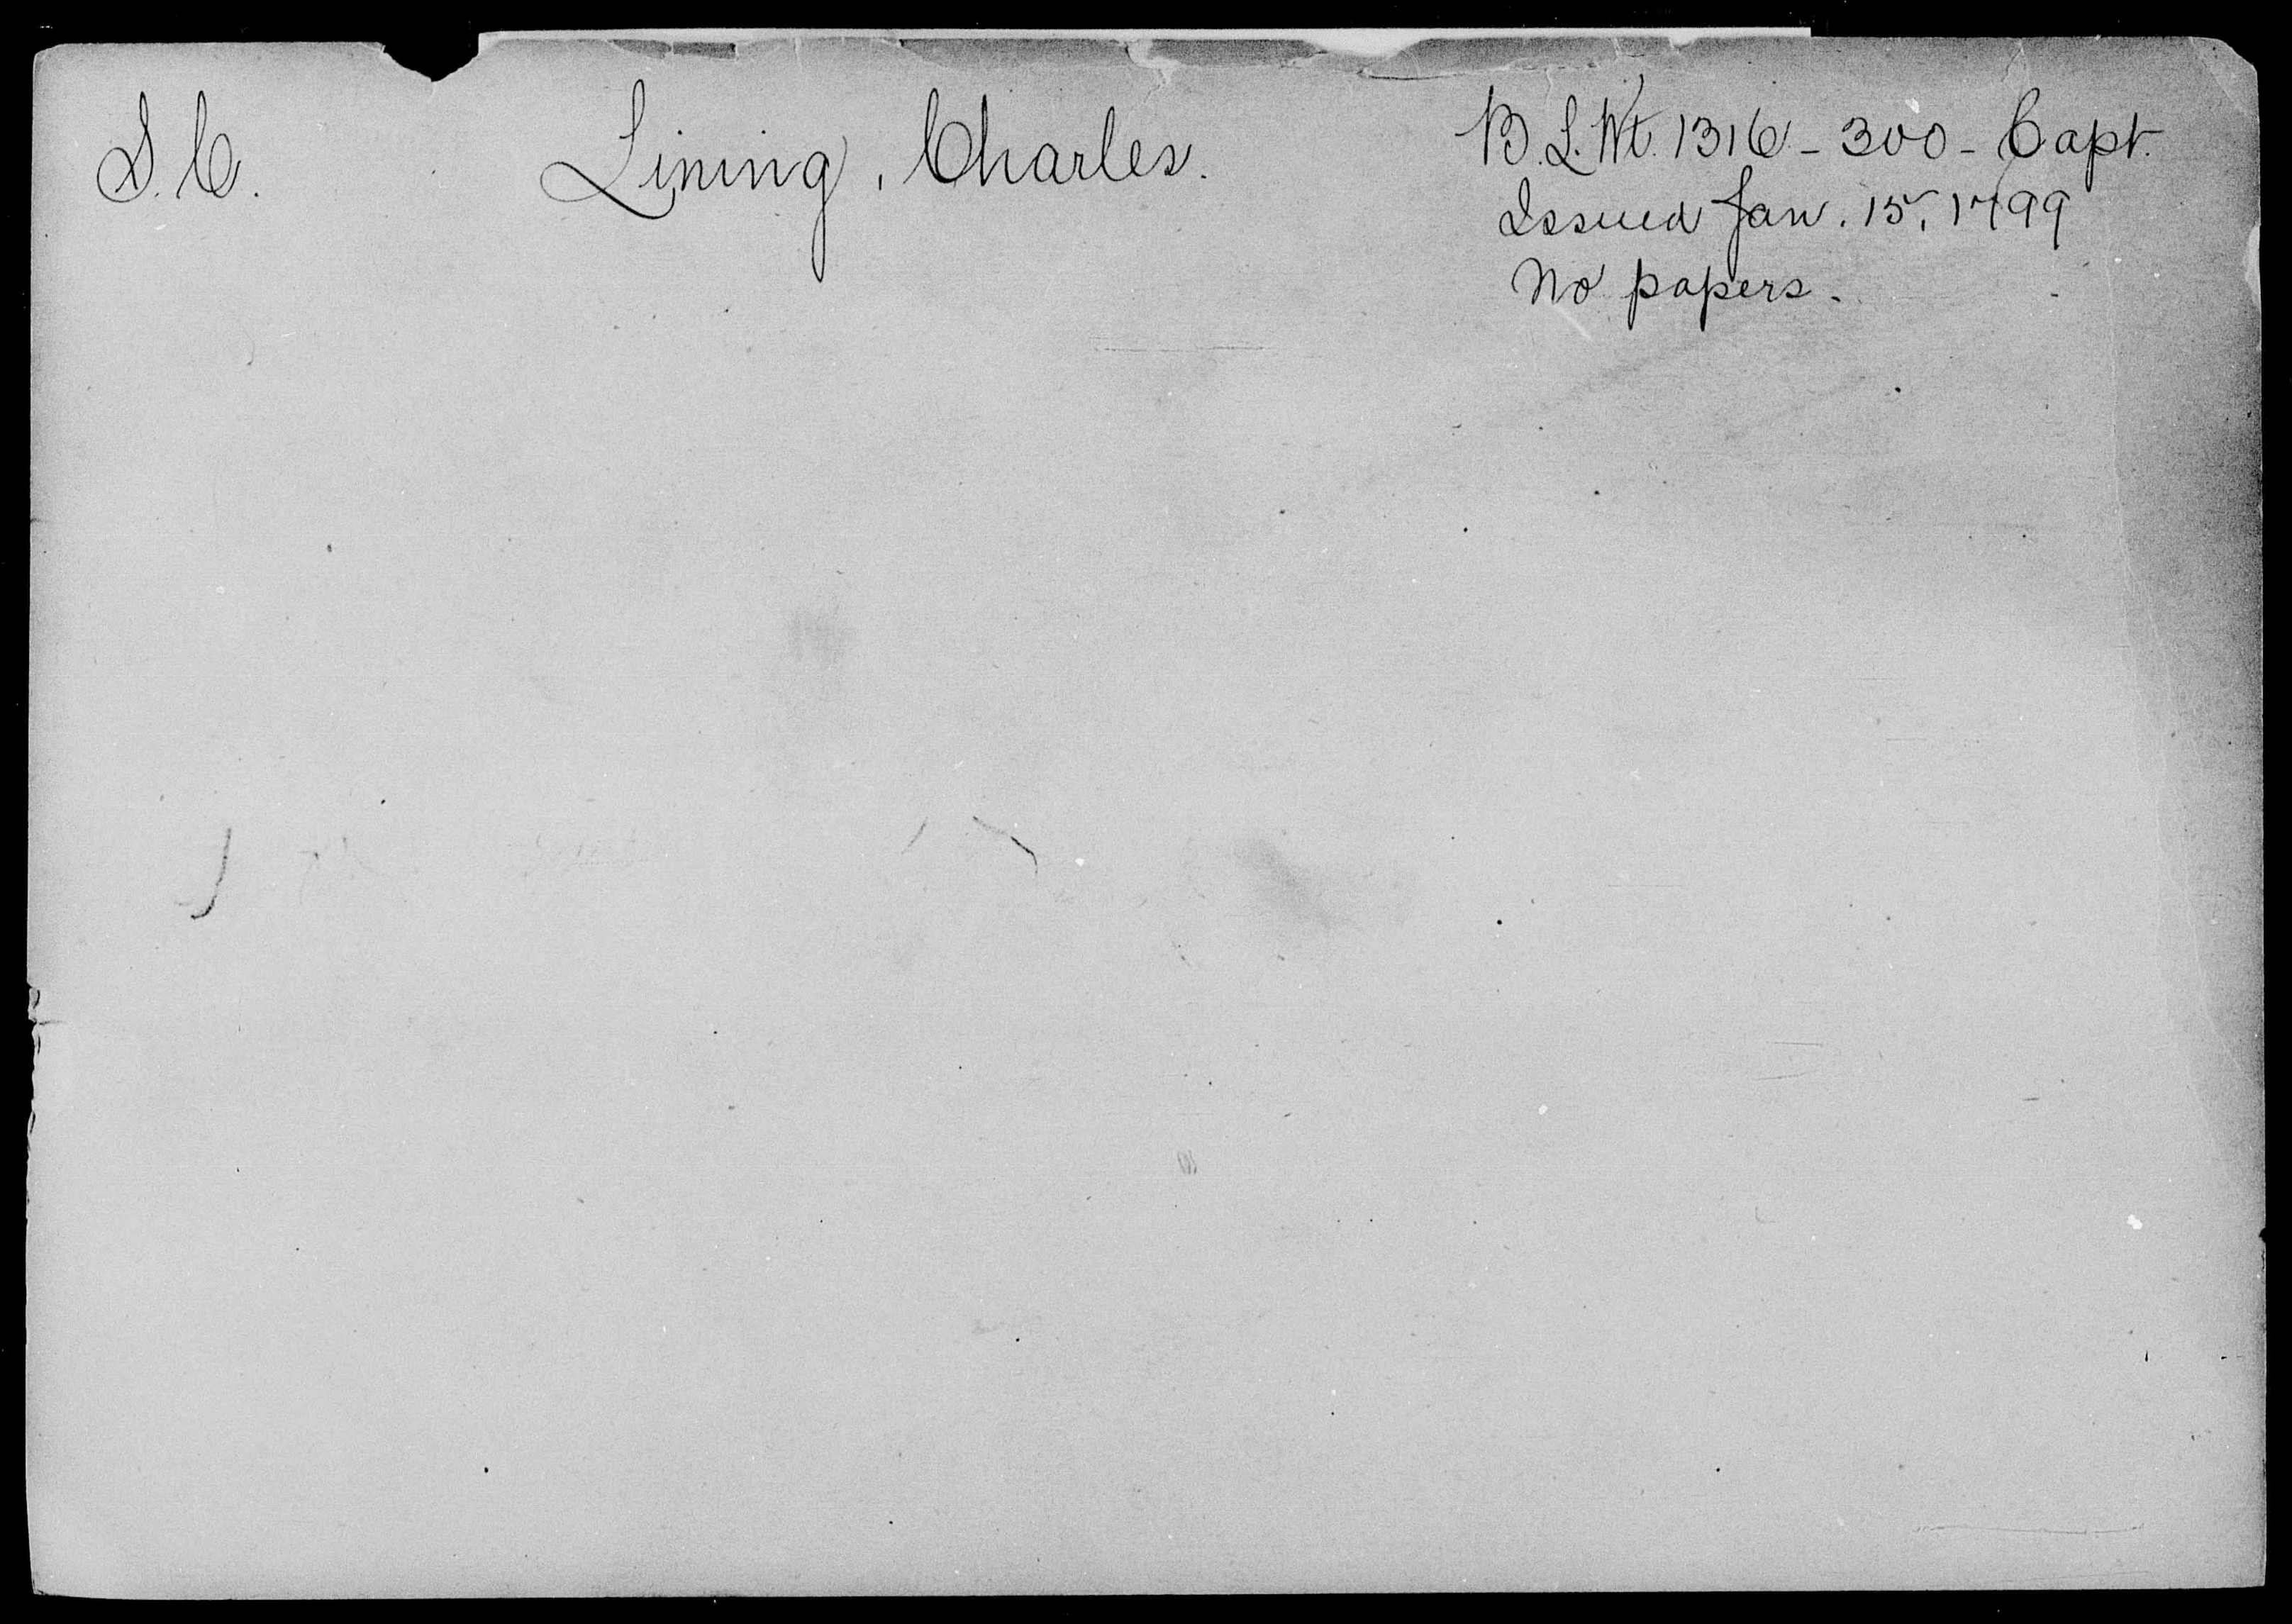S. C.

Lining, Charles

B.L.Wt. 1316-300 - Capt.
Issued Jan. 15, 1799
No papers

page: 1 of 1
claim: bounty land warrant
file: B.L.Wt. 1316-300, for Charles Lining, South Carolina